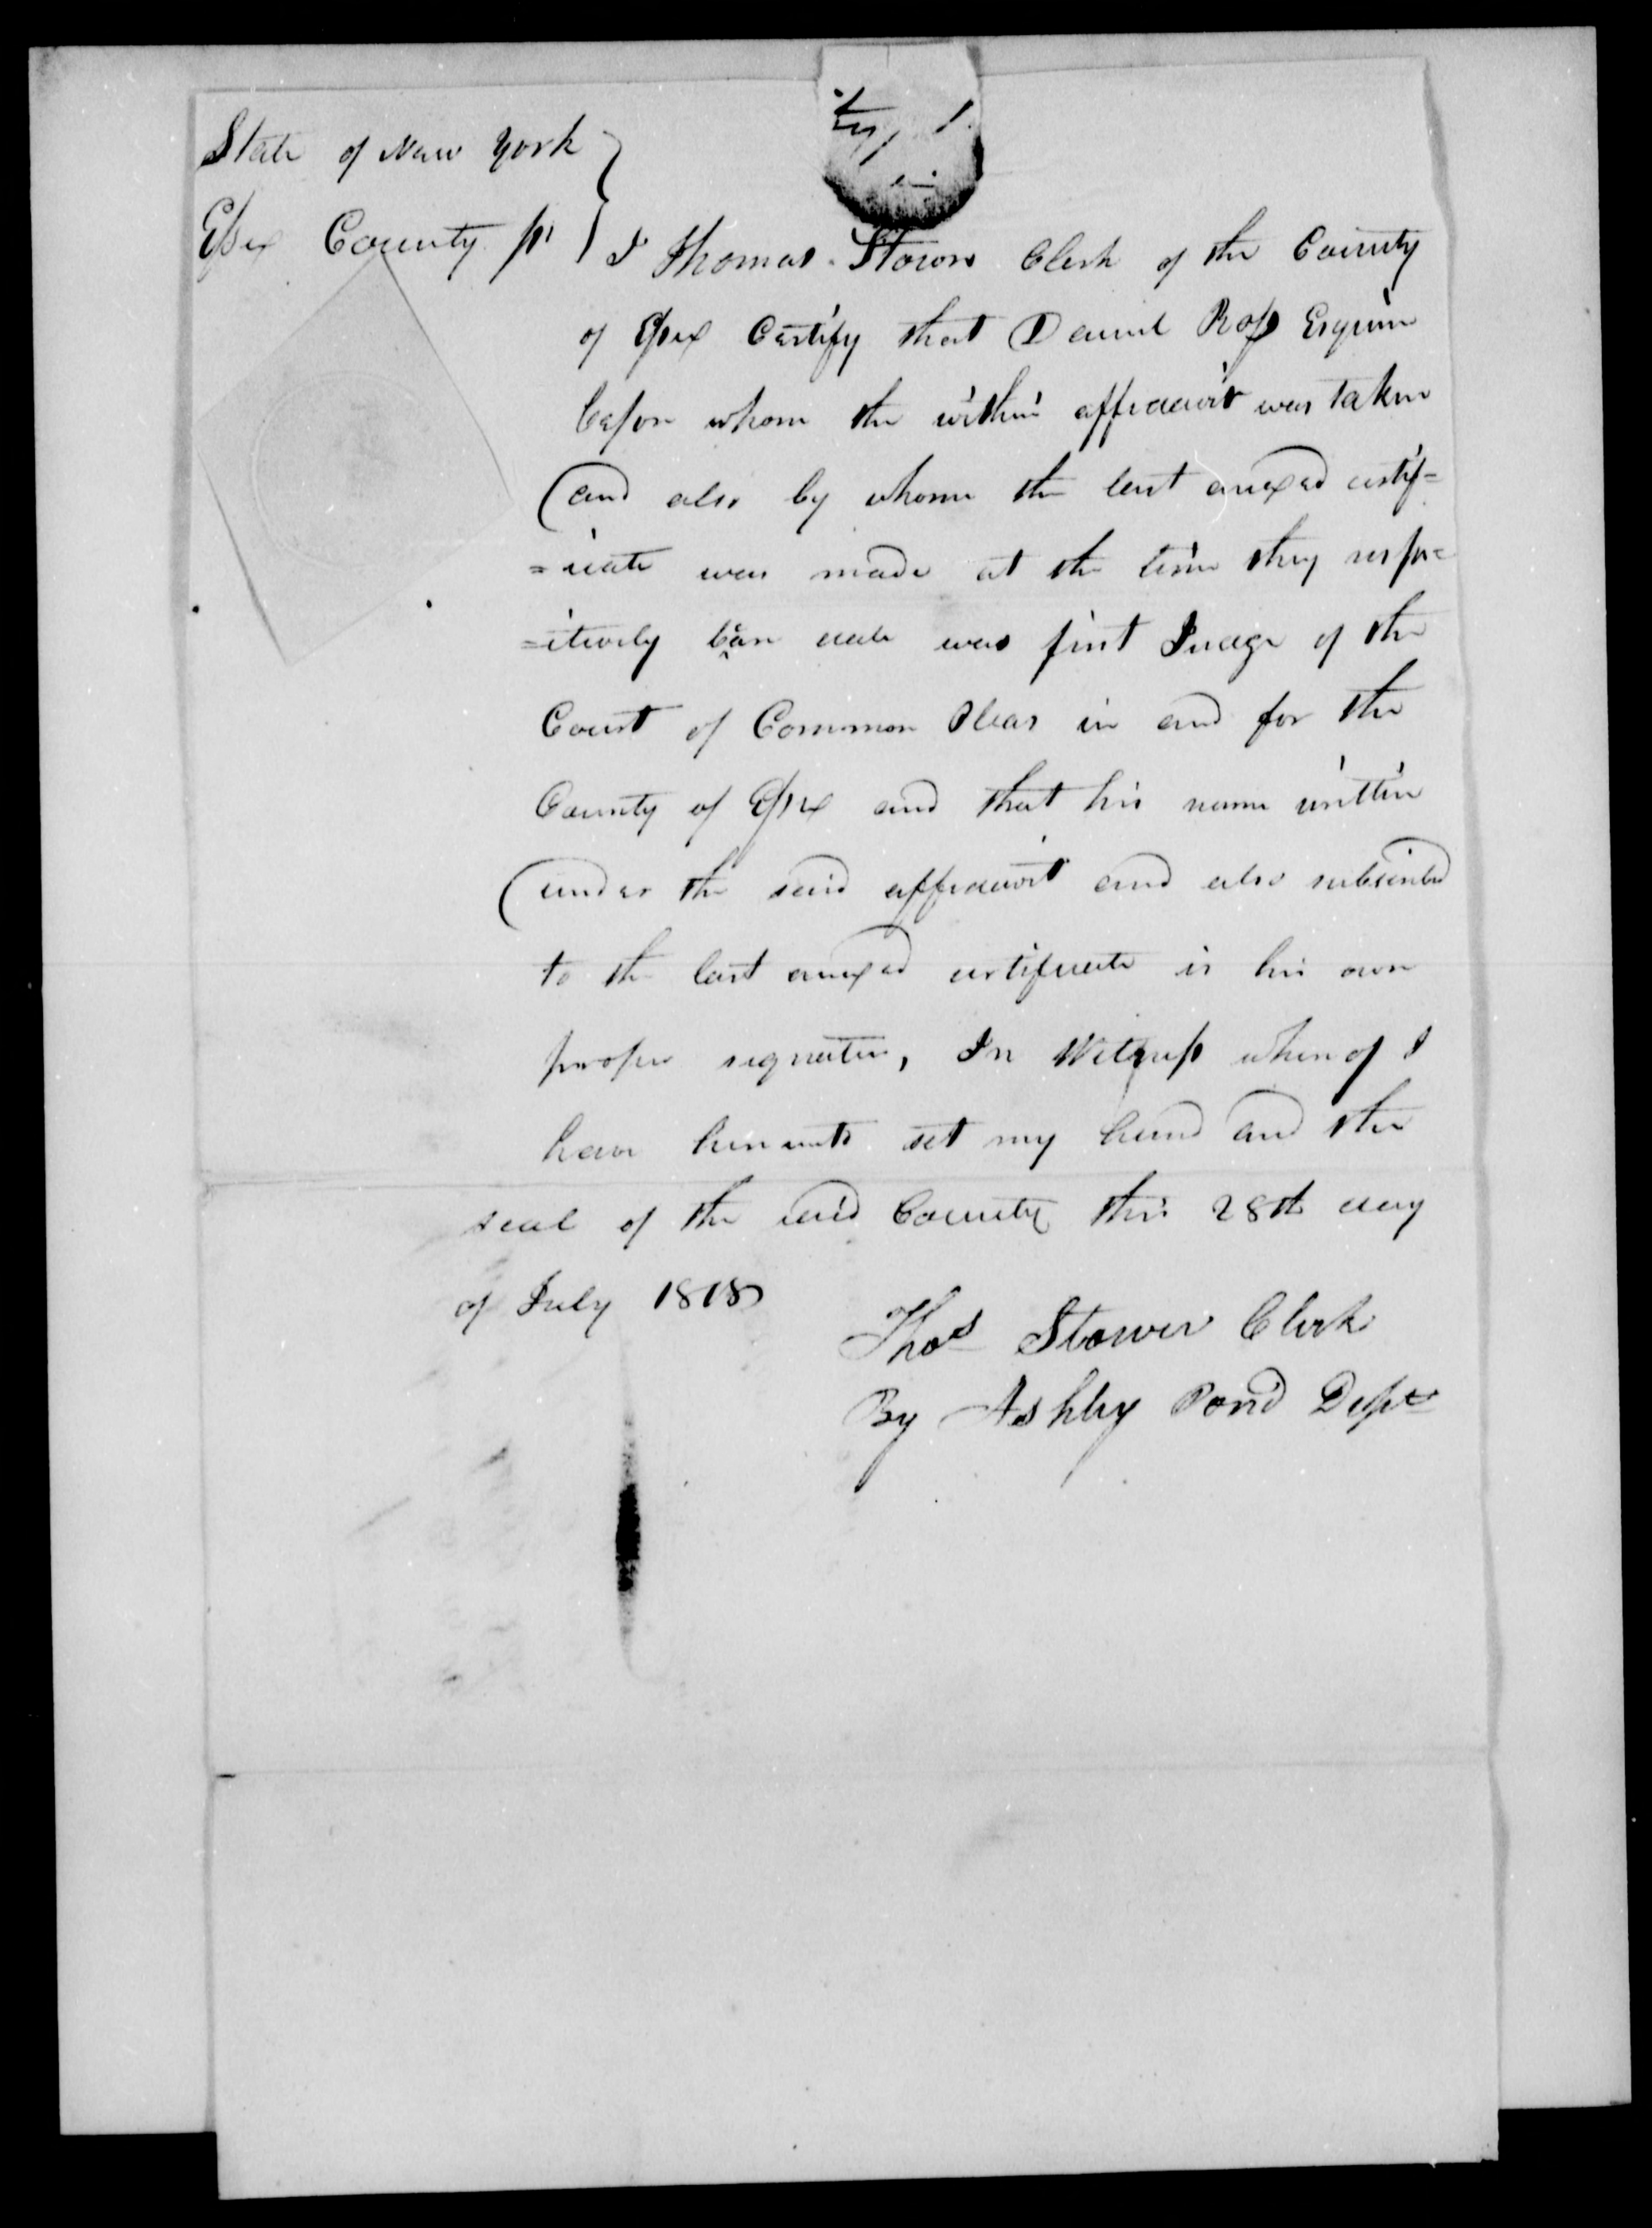State of New York Essex County ss} I Thomas Stower Clerk of the County of Essex Certify that Daniel Ross Esquire before whom the within affidavit was taken and also by whom the last annexed certificate was made at the time they respectively can [illegible] was first Judge of the Court of Common Pleas in and for the County of Essex and that his name written under the said affidavit and also subscribed to the last and certificate is his own proper signature. In Witness whereof I have hereunto set my hand and the seal of the said County this 28th day of July 1818 
Thos Stower Clerk
By Ashley Pond Dept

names: Ashley Pond; Daniel Ross; Thomas Stower; Thos Stower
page: 8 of 16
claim: survivor's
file: S. 42341, for Benjamin Smith, Rhode Island